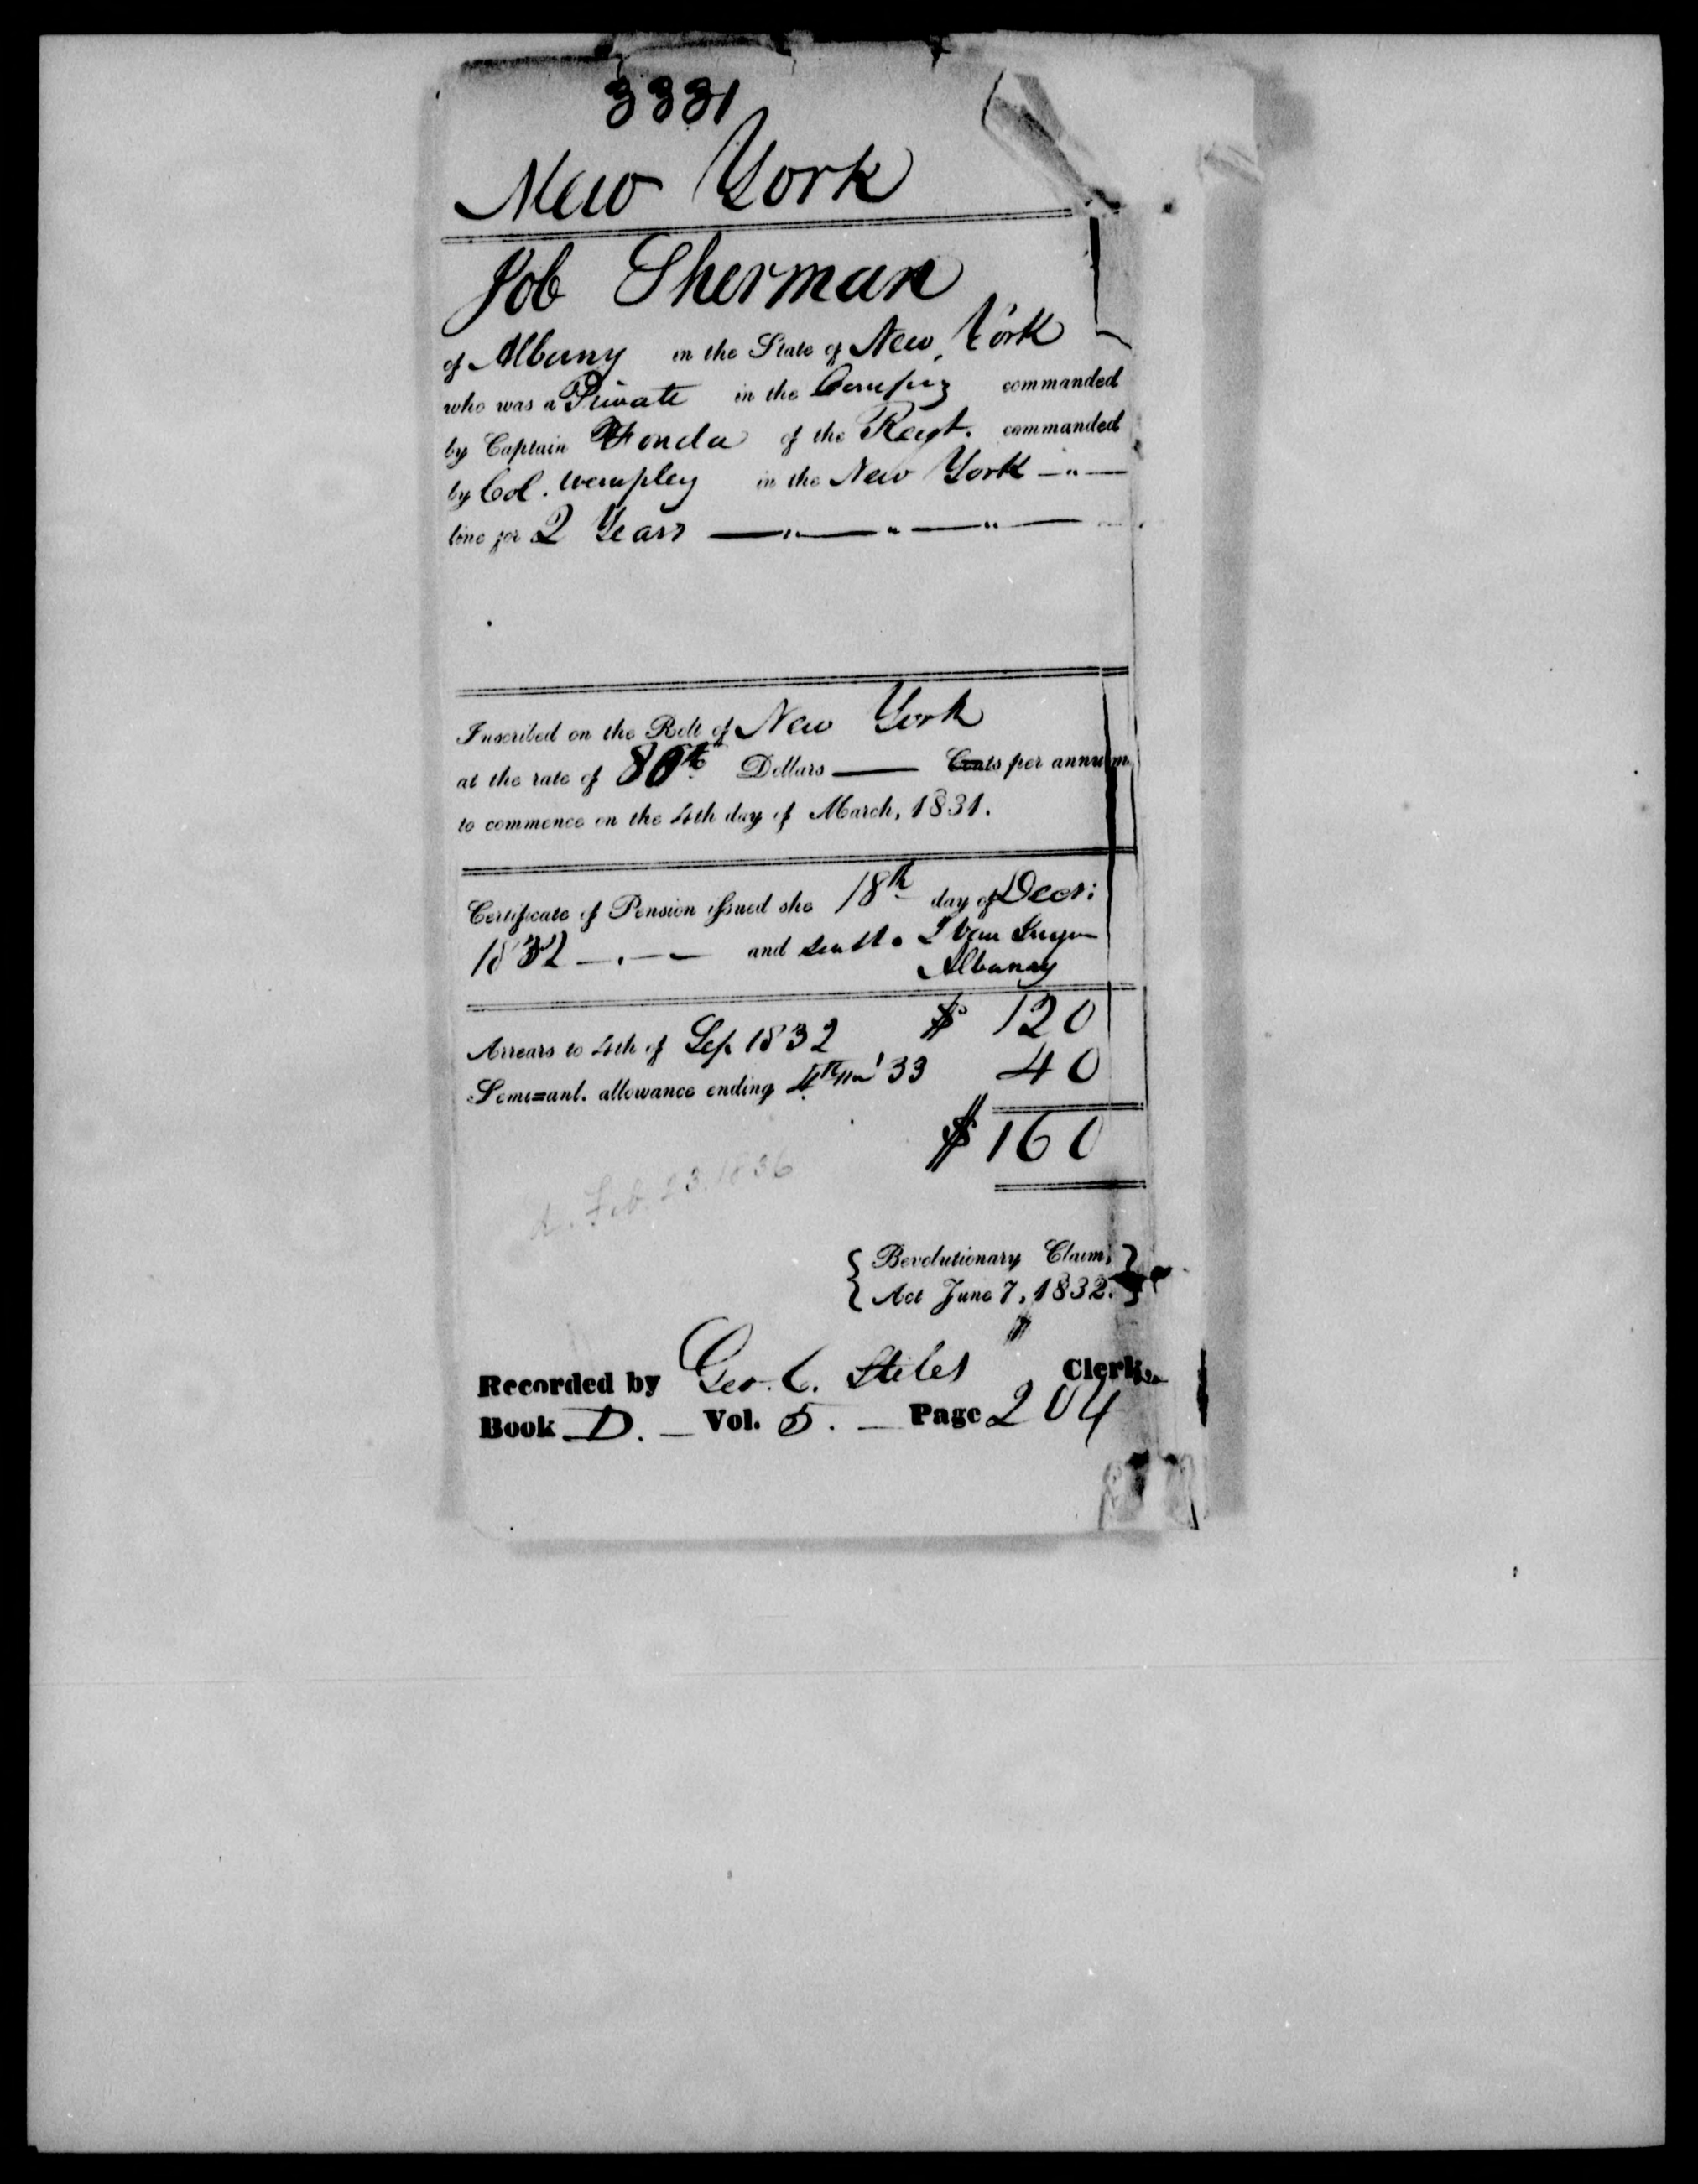[doc is printed & written]

3331
New York
[double line]
Job Sherman
of Albany in the State of New York
who was a Private in the Company commanded
by Captain Fonda of the Regt commanded
by Col. Wempley in the New York
line for 2 Years
[double line]
Inscribed on the Roll of New York
at the rate of 86.00 Dollars     Cents [crossed out] per annum
to commence on the 4th day of March, 1831.
[double line]
Certificate of Pension issued the 18th day of Decr:
1832 and sent to J Van Tuyn
Albany
[double line]
Arrears to 4th of Sep 1832        $120
Semi=anl. allowance ending 4th Mar '33    40 [double undelined]
$ 160 [double underlined]
d. Feb. 23. 1836

{Revolutionary Claim}
{Act June 7, 1832}

Recorded by Geo. C. Stiles  Clerk
Book D.  Vol 5.  Page 204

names: [BLANK] [BLANK]; [BLANK] Fonda; J Van Tuyn; Geo C Stiles; Job Sherman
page: 2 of 10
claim: survivor's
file: S. 28,874, for Job Shearmon, New York